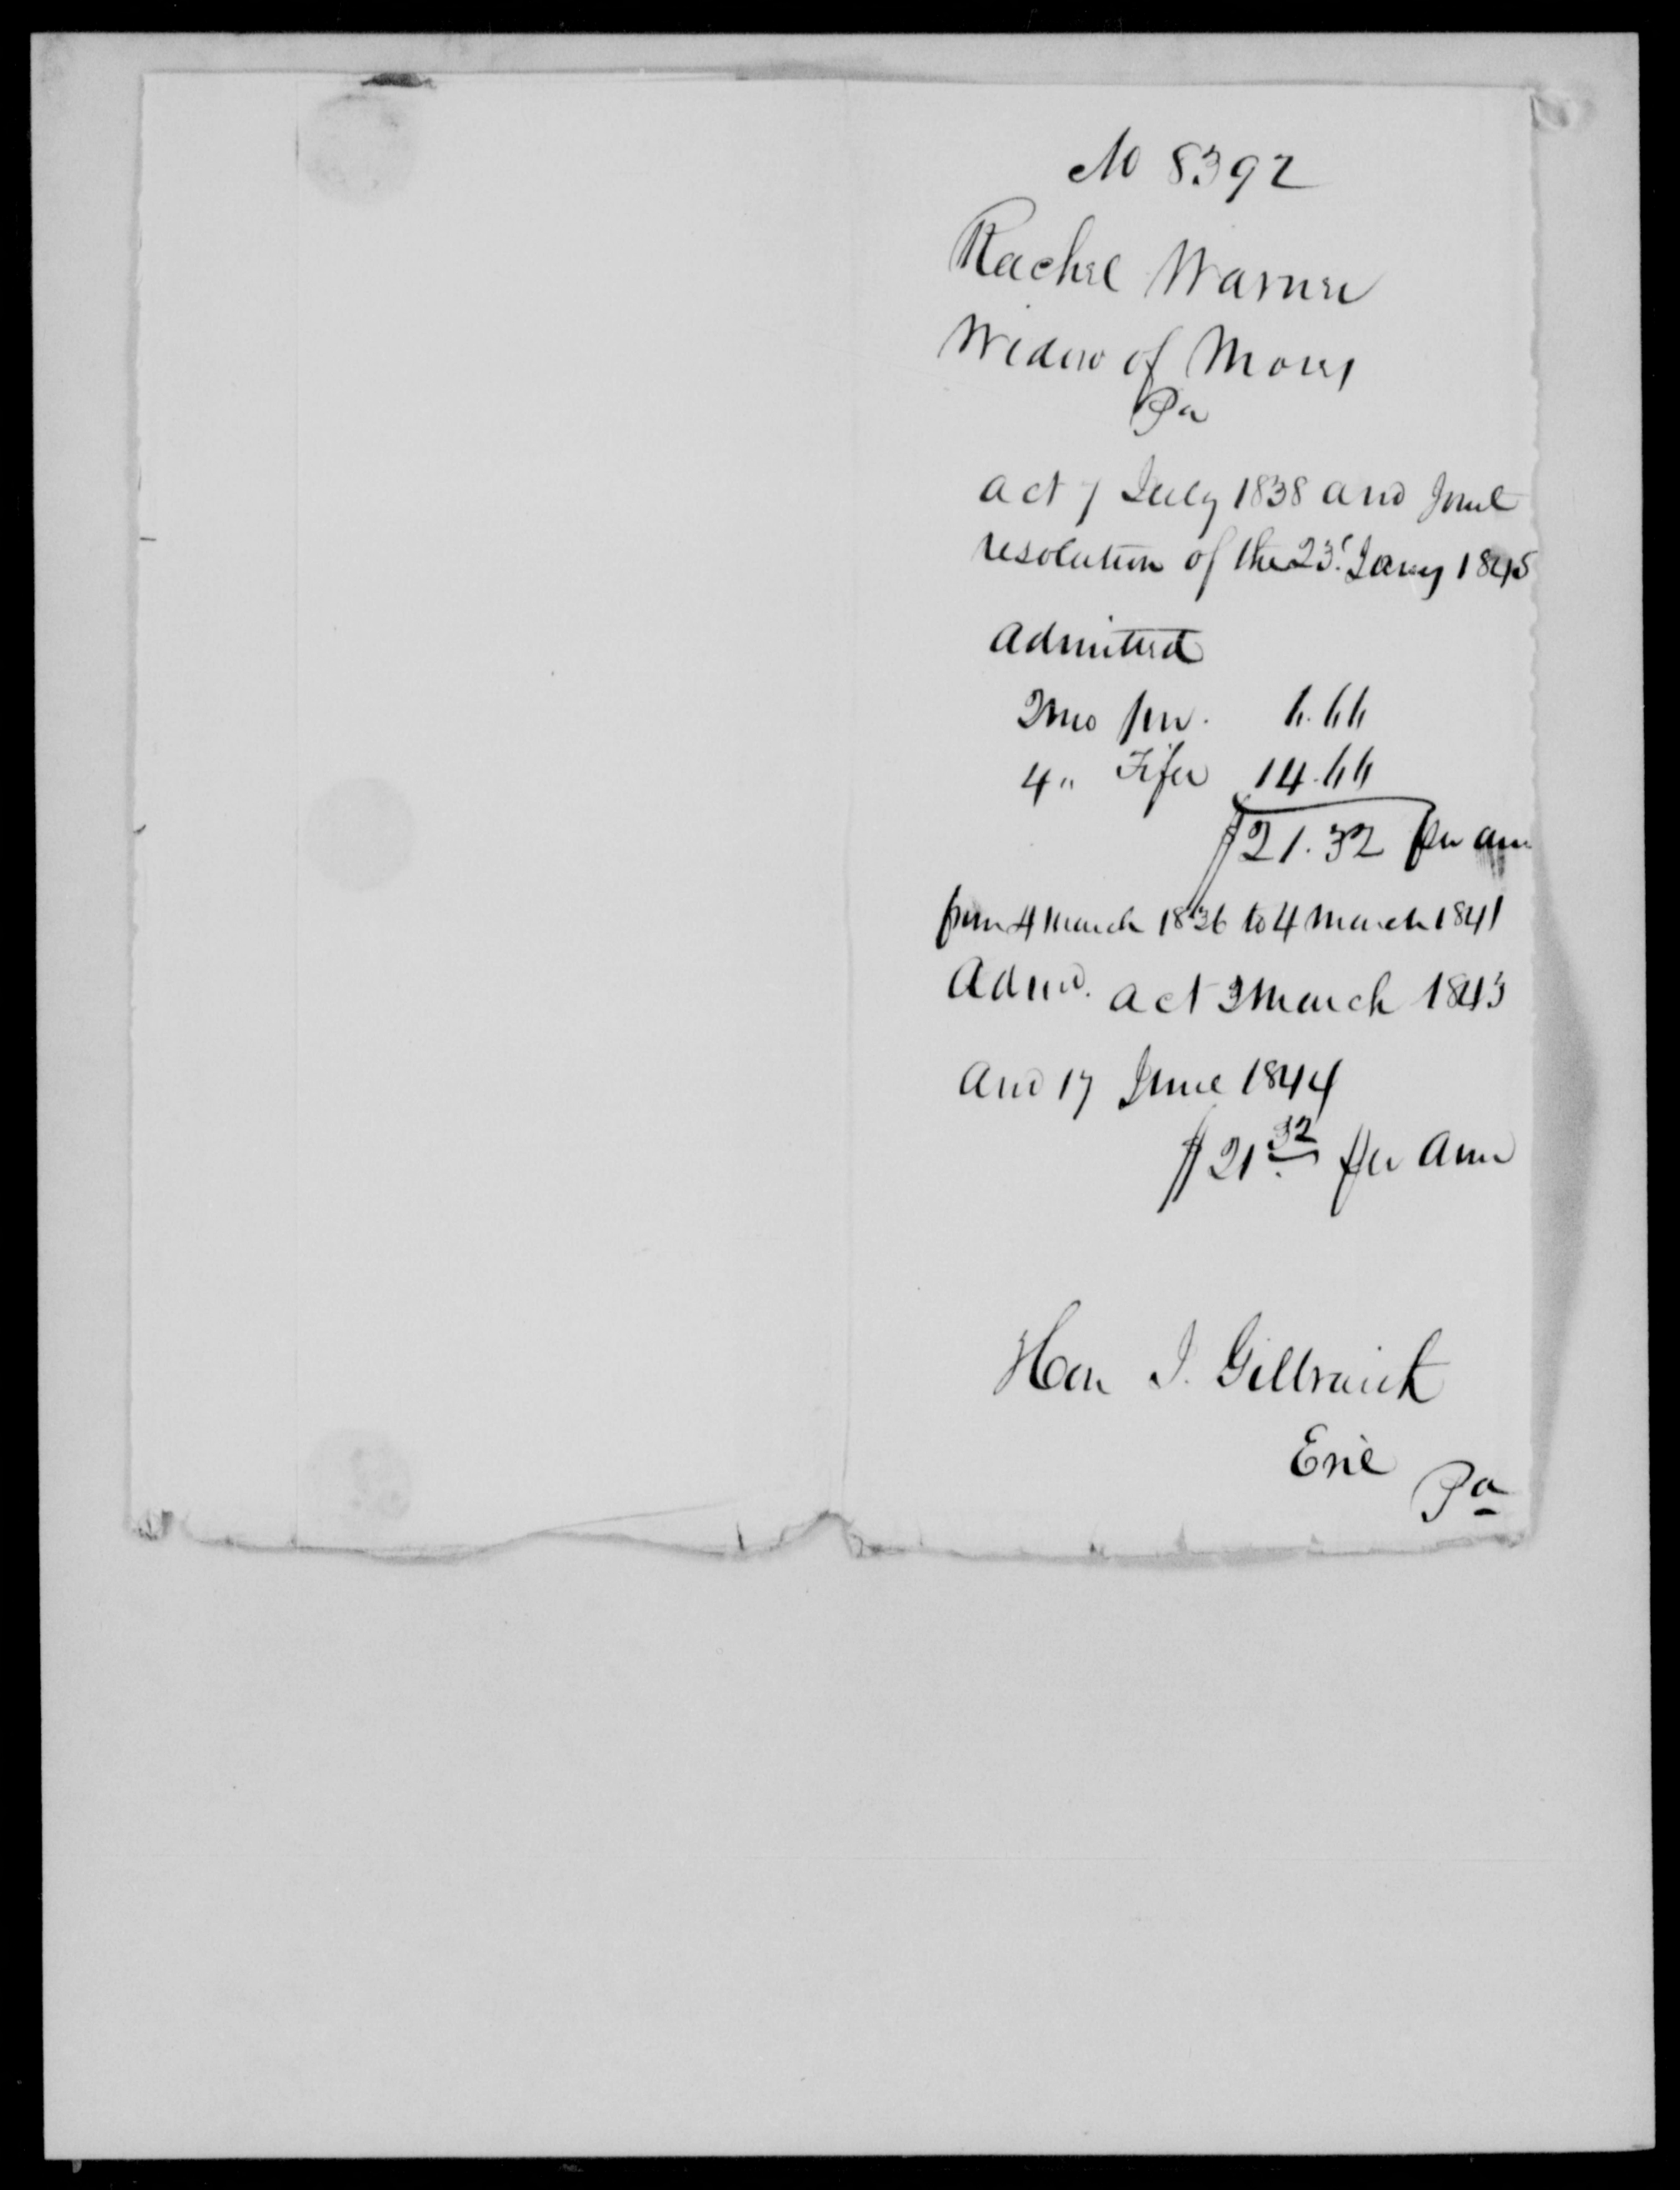No. 8392

Rachel Warner
widow of Moses
Pa

Act 7 July 1838 and Joint
resolution of the 23 January 1845

admitted
2 months private            6.66
4    "    fifer          14.66
                           --------
                          $21.32  per annum
From  4 March 1836 to 4 March 1841
Admitted Act 3 March 1843
and 17 June 1844
$12.32  per annum

Honorable J. Gilbraith
Erie
Pennsylvania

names: J Gilbraith, Rachel Warner, Moses Warner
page: 34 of 40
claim: widow's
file: W. 3742, Moses Warner, Conn.